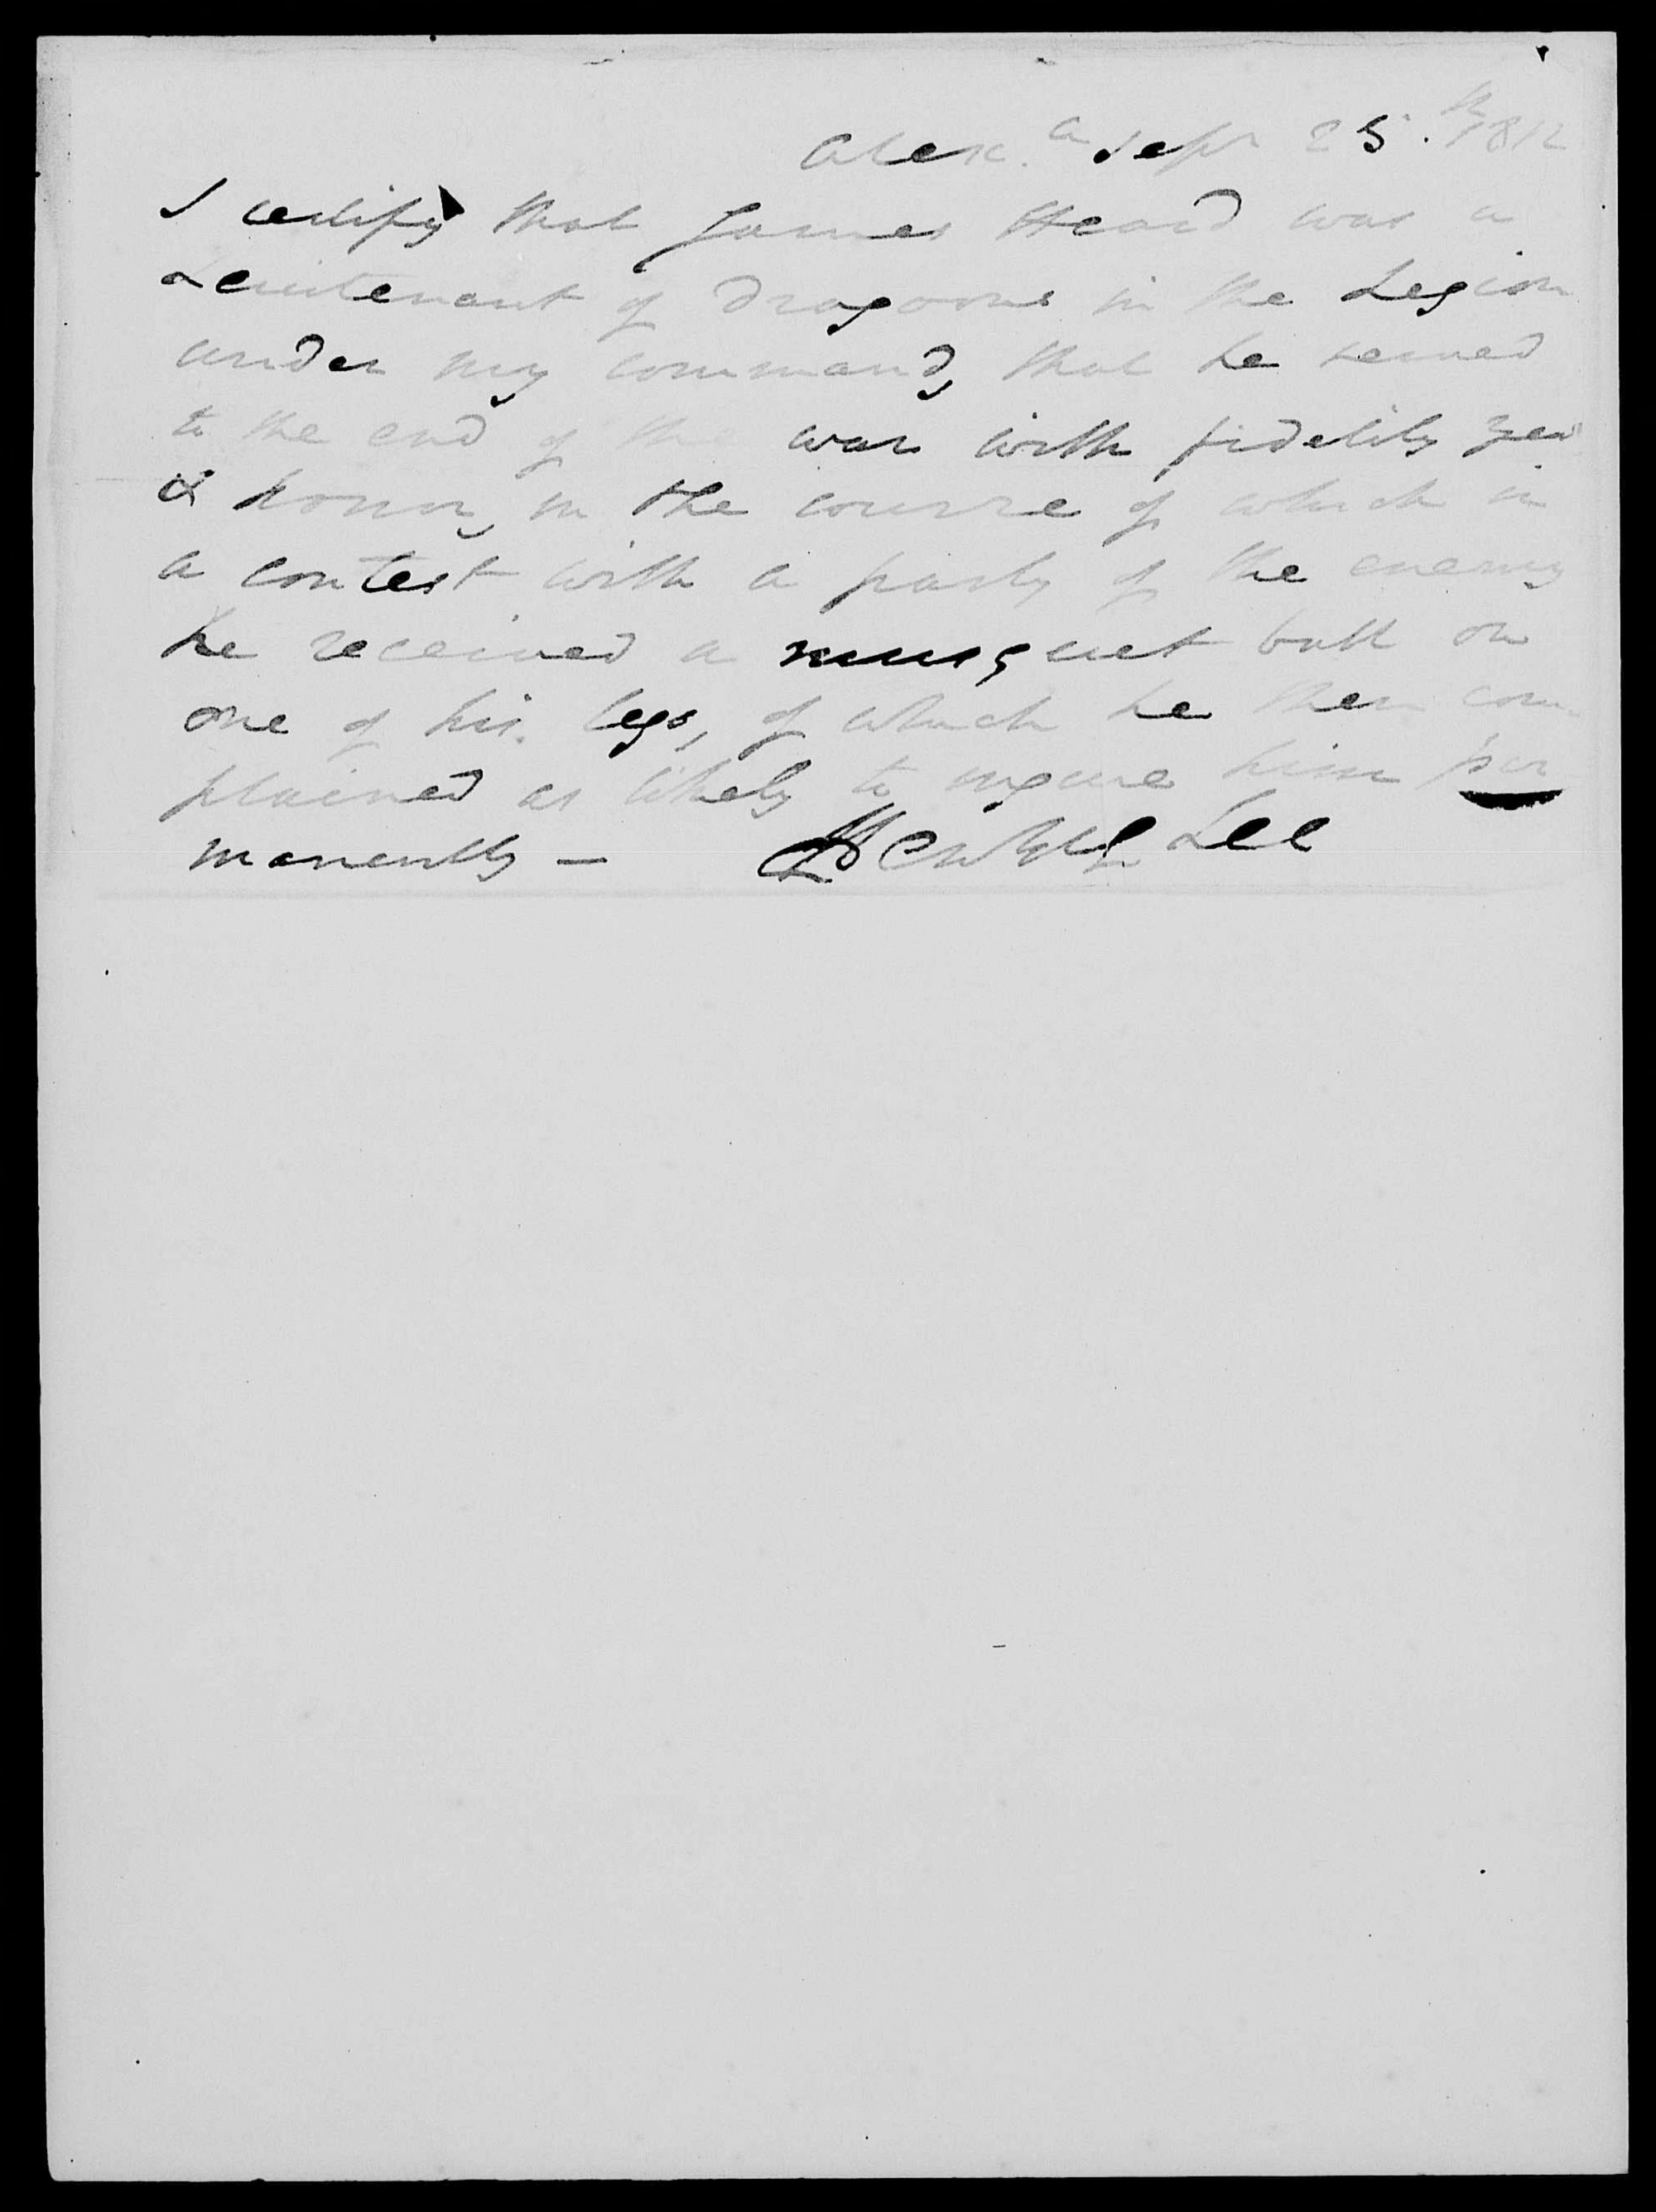September 25th 1812

I certify that James Heard was a Lieutenant of Dragoons in the Legion under my command, that he served to the end of the war with fidelity and honor, in the course of which in a contest which a part of the enemy he received a musket ball on one of his legs, of which he then complained as likely to impair permanently. 

Gen. Henry Lee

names: James Heard, Henrich Lee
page: 26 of 62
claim: survivor's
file: S. 540, James Heard, Continental - New Jersey Residence In 1818